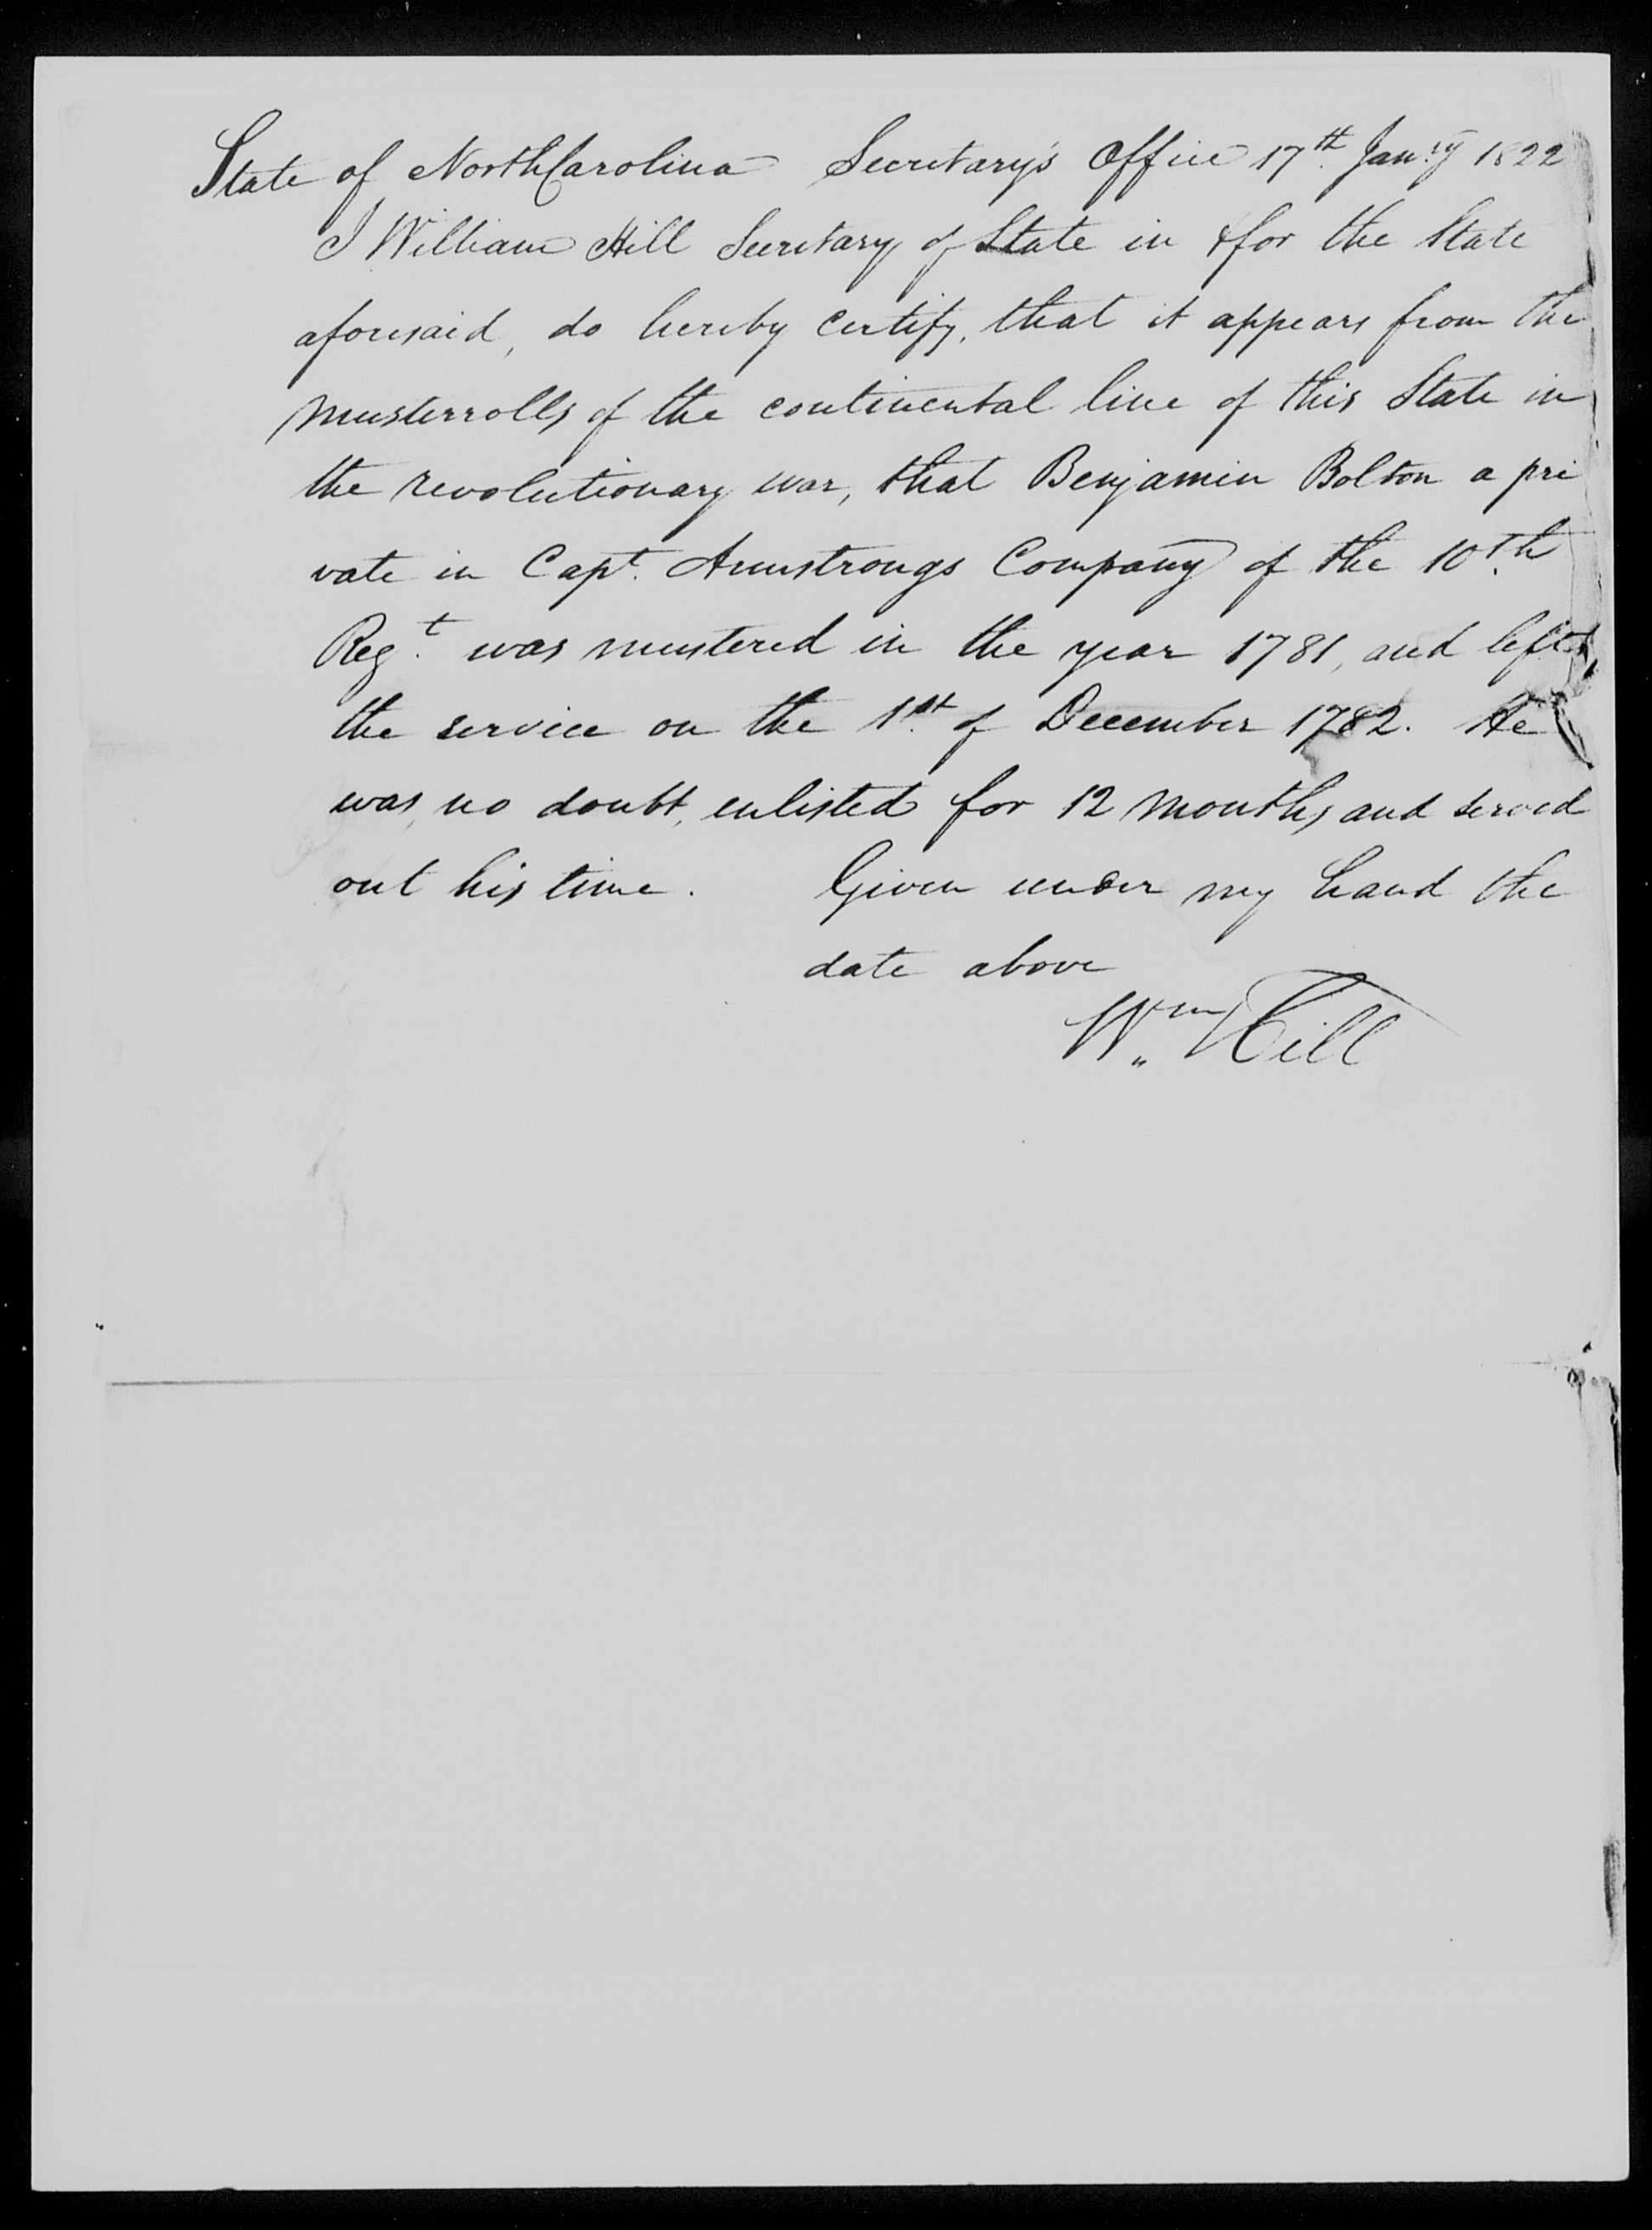State of North Carolina Secretary's Office 17th Jan. of 1822
I William Hill Secretary of State in & for the State
aforesaid, do hereby certify that it appears from the musterrolls of the continental line of this State in the revolutionary war, that Benjamin Bolton a private in Capt Armstrongs Company of the 10th
Reg.t was mustered in the year 1781, and left
the service on the 1st of December 1782. He
was no doubt, enlisted for 12 months and served
out his time.
Given under my hand the
date above
Wm. Gill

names: Wm Hill, Benjamin Bolton, William Hill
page: 28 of 29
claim: survivor's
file: S. 37,795, Benjamin Bolton, N.C.